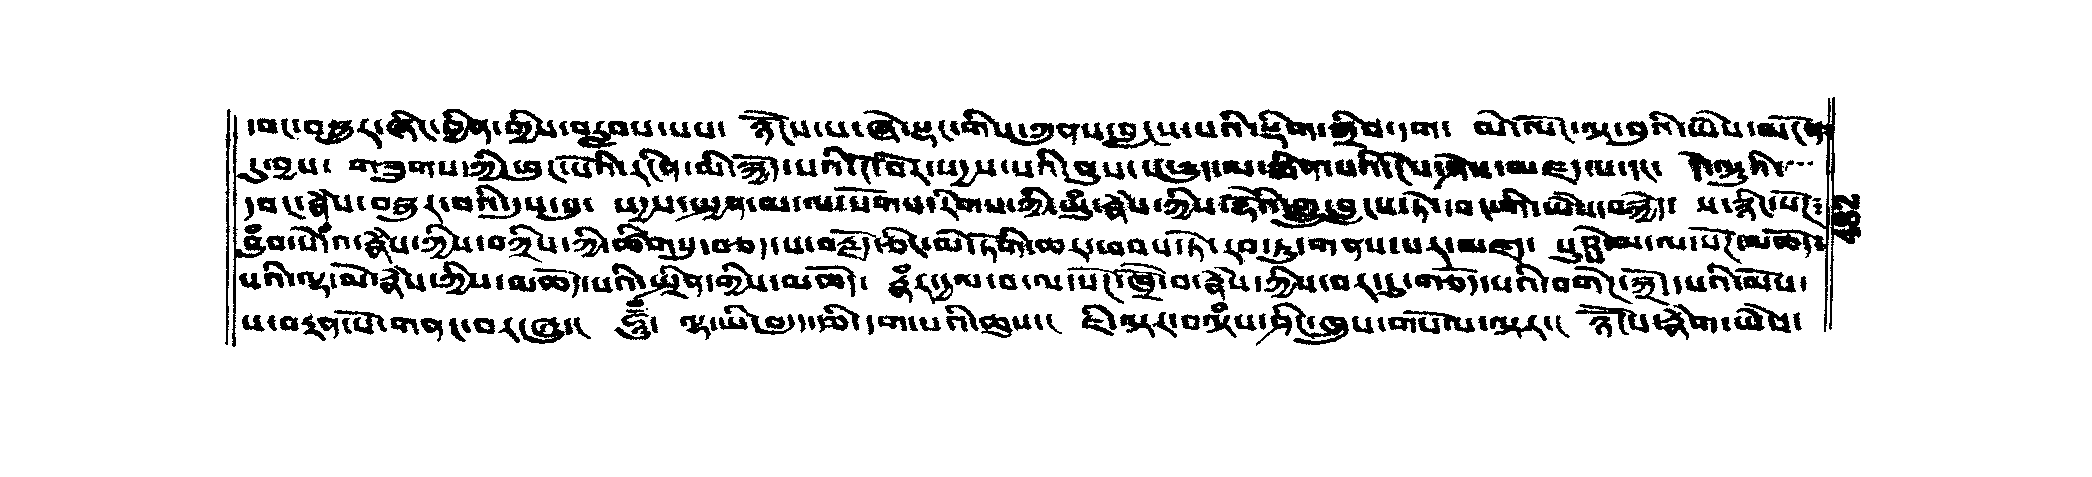དབང་བསྐུར་ཞིང་བྱིན་གྱིས་བརླབས་པས། ཉོན་མོངས་པ་ཞེ་སྡང་གིས་ཀུན་ནས་བླངས་པའི་སྡིག་སྒྲིབ་དག་མེ་ལོང་ལྟ་བུའི་ཡེ་ཤེས་མངོན་
དུ་བྱས། གཟུགས་ཀྱི་ཕུང་པོའི་རང་བཞིན་མི་སྐྱོད་པའི་ངོ་བོར་སངས་རྒྱས་པའི་ནུས་པ་རྒྱུད་ལ་སྨིན་པའི་ངེས་ཤེས་མཛད་པ་དང་། དེ་ལྟ་བུའི་
དབང་རྣམས་བསྐུར་བའི་དུས་སུ། སངས་རྒྱས་སྤྱན་མ་ལ་སོགས་རིགས་ཀྱི་ཡུམ་རྣམས་ཀྱིས་རྡོ་རྗེའི་གླུ་བླངས་ཏེ་དབང་གི་ཡེ་ཤེས་བསྐྱེད། ས་རྙིང་སོགས་
བྱང་ཆུབ་སེམས་རྣམས་ཀྱིས་བཀྲ་ཤིས་ཀྱི་ཚིགས་སུ་བཅད་པ་བརྗོད་ཅིང་མེ་ཏོག་གི་ཆར་ཕབས་ཏེ་རབ་ཏུ་གནས་པར་མཛད། པུཥྤེ་མ་ལ་སོགས་མཆོད་
པའི་ལྷ་མོ་རྣམས་ཀྱིས་མཆོད་པའི་སྤྲིན་གྱིས་མཆོད། རྣམ་པར་རྒྱལ་བ་ལ་སོགས་ཁྲོ་བ་རྣམས་ཀྱིས་བར་དུ་གཅོད་པའི་བགེགས་སྐྲོད་པའི་མོས་
པ་བརྟན་པོ་གནང་བར་ཞུ། ཧཱུྃ། ལྷ་ཡི་བདུད་རྩི་དག་པའི་ཆུས། །ཇི་ལྟར་བལྟམས་ཤིང་ཁྲུས་གསོལ་ལྟར། །ཉོན་མོངས་རྣམ་དག་ཡེ་ཤེས་